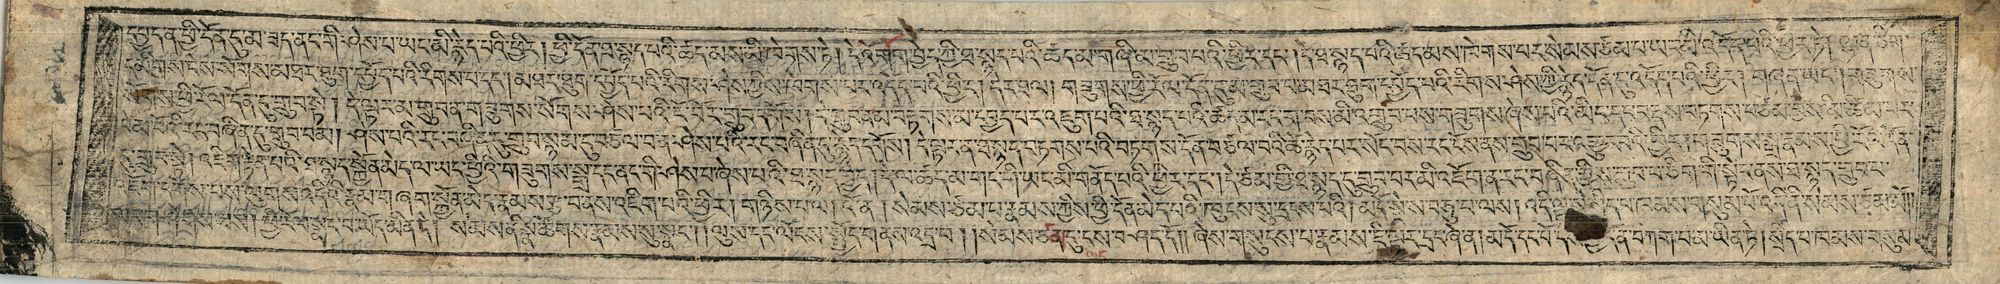དཔྱད་ན་ཕྱི་དོན་དུ་མ་ཟད་ནང་གི་ཤེས་པ་ཡང་མི་རྙེད་པའི་ཕྱིར། ཕྱི་དོན་ཐ་སྙད་པའི་ཚད་མས་མི་ཁེགས་ཏེ། དེ་འགོག་བྱེད་ཀྱི་ཐ་སྙད་པའི་ཚད་མ་གཞི་མ་གྲུབ་པའི་ཕྱིར་དང་། དེ་ཐ་སྙད་པའི་ཚད་མས་ཁེགས་པར་སེམས་ཙམ་པ་ཡང་མི་འདོད་པའི་ཕྱིར་ཏེ། ལྷན་ཅིག་
དམིགས་ངེས་སོགས་མཐར་ཐུག་དཔྱོད་པའི་རིགས་པ་དང་། མཐར་ཐུག་དཔྱོད་པའི་རིགས་ཤེས་ཀྱིས་ཁེགས་པར་འདོད་པའི་ཕྱིར། དེར་ཐལ། གཟུགས་ཕྱི་རོལ་དོན་དུ་མ་གྲུབ་པ་མཐར་ཐུག་དཔྱོད་པའི་རིགས་ཤེས་ཀྱི་རྙེད་དོན་དུ་འདོད་པའི་ཕྱིར། གཞན་ཡང་། གཟུགས་
སོགས་ཕྱི་རོལ་དོན་དུ་གྲུབ་སྟེ། དེ་ལྟར་མ་གྲུབ་ན་གཟུགས་སོགས་ཤེས་པའི་ངོ་བོར་གྲུབ་དགོས། དེ་གྲུབ་ནམ་བརྟགས་མ་དཔྱད་པར་འཇུག་པའི་ཐ་སྙད་པའི་ཚད་མ་རང་ག་བས་མི་འགྲུབ་པས་གཟུགས་ཞེས་པའི་མིང་དང་བརྡས་བཏགས་པ་ཙམ་གྱིས་མི་ཚིམ་པར་
བེམ་པོའི་རང་བཞིན་དུ་གྲུབ་བམ། ཤེས་པའི་རང་བཞིན་དུ་གྲུབ་སྙམ་དུ་བཙལ་བ་ན་ཤེས་པའི་རང་བཞིན་དུ་རྙེད་དགོས། དེ་ལྟར་ན་ཐ་སྙད་བཏགས་པའི་བཏགས་དོན་བཙལ་བའི་ཚེ་རྙེད་པར་སོང་བས་རང་ངོས་ནས་གྲུབ་པར་འགྱུར་བའི་ཕྱིར། གཟུགས་སྒྲ་རྣམས་ཕྱི་རོལ་དོན་
དུ་གྲུབ་སྟེ། འཇིག་རྟེན་པའི་ཐ་སྙད་སྐྱོན་མེད་ལ་ཡང་ཕྱིའི་གཟུགས་སྒྲ་དང་ནང་གི་ཤེས་པ་ཞེས་པའི་ཐ་སྙད་བྱེད། དེ་ལ་ཚད་མ་གང་གི་ཡང་མི་གནོད་པའི་ཕྱིར་དང་། དེ་ཙམ་གྱི་ཐ་སྙད་དུ་གྲུབ་པར་མི་འཇོག་ན་རང་བཞིན་གྱིས་གྲུབ་པ་ཅིག་གི་སྟེང་ནས་ཐ་སྙད་གྲུབ་པ་
འཇོག་དགོས་པས་ལུགས་འདིའི་རྣམ་གཞག་སྐྱོན་མེད་རྣམས་རྩ་བ་ནས་འཇིག་པའི་ཕྱིར། གཉིས་པ་ལ། འོ་ན། སེམས་ཙམ་པ་རྣམས་ཀྱིས་ཕྱི་དོན་མེད་པའི་ཁུངས་སུ་དྲངས་པའི། མདོ་སྡེ་ས་བཅུ་པ་ལས། འདི་ལྟ་སྟེ་སྲིད་པ་ཁམས་གསུམ་པོ་འདི་ནི་སེམས་ཙམ་མོ།།
ལང་གཤེགས་ལས། ཕྱི་རོལ་སྣང་བ་ཡོད་མིན་དེ། སེམས་ནི་སྣ་ཚོགས་རྣམས་སུ་སྣང་། །ལུས་དང་ལོངས་སྤྱོད་གནས་འདྲ་བ། །སེམས་ཙམ་དུ་ཡང་ངས་བཤད་དོ། །ཞེས་གསུངས་པ་རྣམས་ཇི་ལྟར་དྲང་ཞེ་ན། མདོ་དང་པོ་དེས་ཕྱི་དོན་བཀག་པ་མ་ཡིན་ཏེ། སྲིད་པ་ཁམས་གསུམ་